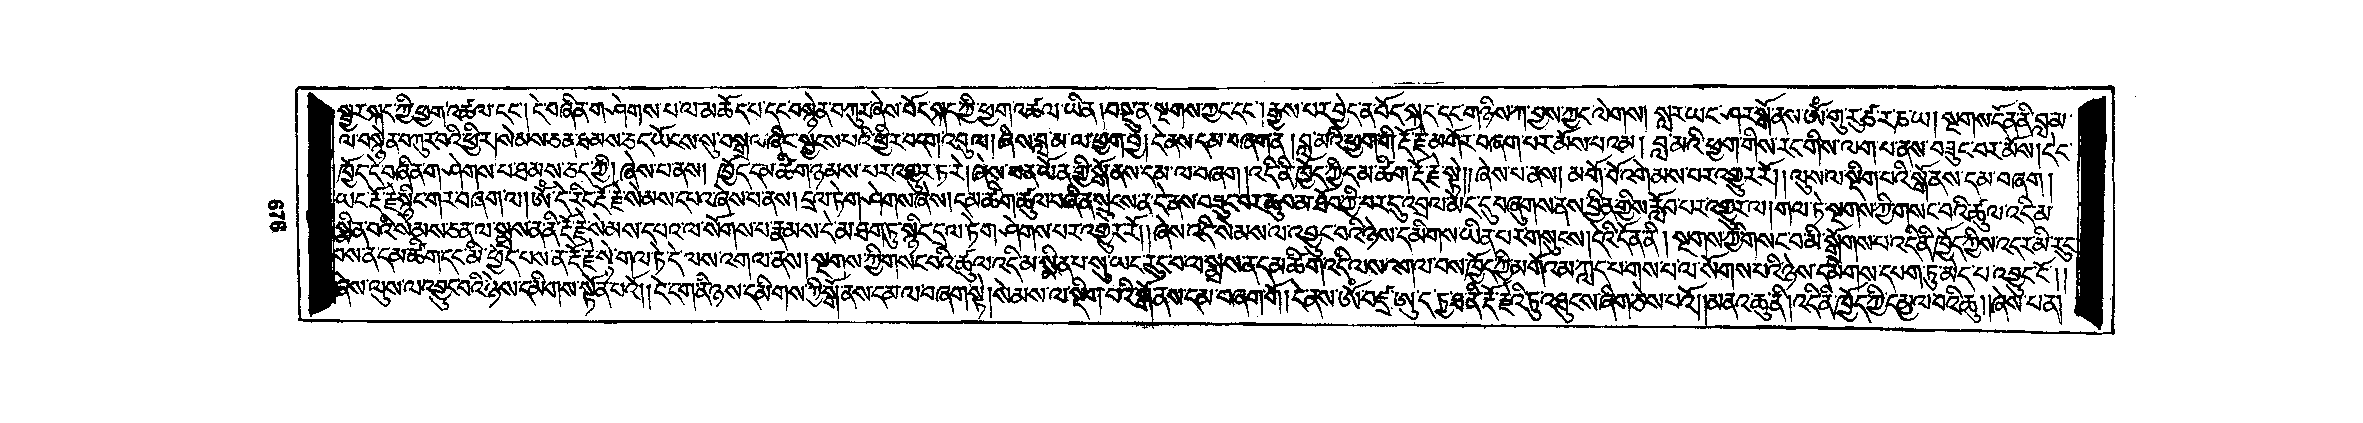སྦྱར་སྐད་ཀྱི་ཕྱག་འཚལ་དང་། དེ་བཞིན་གཤེགས་པ་ལ་མཆོད་པ་དང་བསྙེན་བཀུར་ཞེས་བོད་སྐད་ཀྱི་ཕྱག་འཚལ་ཡིན། བསྡུ་ན་སྔགས་ཀྱང་དང་། རྒྱས་པར་བྱེད་ན་བོད་སྐད་དང་གཉིས་ཀ་བྱས་ཀྱང་ལེགས། སླར་ཡང་ཤར་སྒོ་ནས་ཨོཾ་གུ་རུ་ཙ་ར་ཎ་ཡ། སྔགས་དོན་ནི་བླ་མ་
ལ་བསྙེན་བཀུར་བའི་ཕྱིར། སེམས་ཅན་ཐམས་ཅད་ཡོངས་སུ་བསྒྲལ་ཞིང་སྦྱངས་པའི་ཕྱིར་བདག་འབུལ། ཞིས་བླ་མ་ལ་ཕྱག་བྱ། དེ་ནས་དམ་བཞག་ན། བླ་མའི་ཕྱག་གི་རྡོ་རྗེ་མགོར་བཞག་པར་མོས་པའམ། བླ་མའི་ཕྱག་གིས་རང་གིས་ལག་པ་ནས་བཟུང་བར་མོས། དེང་
ཁྱོད་དེ་བཞིན་གཤེགས་པ་ཐམས་ཅད་ཀྱི། ཞེས་པ་ནས། ཁྱོད་དམ་ཚིག་ཉམས་པར་འགྱུར་ཏ་རེ། ཞེས་ཕན་ཡོན་གྱི་སྒོ་ནས་དམ་ལ་བཞག །འདི་ནི་ཁྱོད་ཀྱི་དམ་ཚིག་རྡོ་རྗེ་སྟེ། །ཞེས་པ་ནས། མགོ་བོ་འགེམས་པར་འགྱུར་རོ། །ལུས་ལ་སྡིག་པའི་སྒོ་ནས་དམ་བཞག །
ཡང་རྡོ་རྗེ་སྙིང་གར་བཞག་ལ། ཨོཾ་དེ་རིང་རྡོ་རྗེ་སེམས་དཔའ་ཞེས་པ་ནས། དྲལ་ཏེ་གཤེགས་ཞེས། དམ་ཚིག་ཚུལ་བཞིན་སྲུངས་ན་དེ་ནས་བཟུང་བར་ཆུབ་མ་ཐོབ་ཀྱི་བར་དུ་འབྲལ་མེད་དུ་བཞུགས་ནས་བྱིན་གྱིས་རློབ་པར་འགྱུར་ལ། གལ་ཏེ་སྔགས་ཀྱི་གསང་བའི་ཚུལ་འདི་མ་
སྨིན་པའི་སེམས་ཅན་ལ་སྨྲས་ན་ནི་རྡོ་རྗེ་སེམས་དཔའ་ལ་སོགས་པ་རྣམས་དེ་མ་ཐག་ཏུ་སྙིང་དྲལ་ཏེ་གཤེགས་པར་འགྱུར་རོ། །ཞེས་འདི་སེམས་ལ་འབྱུང་བའི་ཉེས་དམིགས་ཡིན་པར་གསུངས། དེའི་དོན་ནི། སྔགས་ཀྱི་གསང་བ་མི་སྒྲོགས་པ་འདི་ནི་ཁྱོད་ཀྱིས་འདར་མི་རུང་
བས་ན་དམ་ཚིག་དང་མི་ཕྱེད་པས་ན་རྡོ་རྗེ་སྟེ་གལ་ཏེ་དེ་ལས་འགལ་ནས། སྔགས་ཀྱི་གསང་བའི་ཚུལ་འདི་མ་སྨིན་པ་སུ་ཡང་རུང་བ་ལ་སྨྲས་ན་དམ་ཚིག་འདི་ལས་འགལ་བས་ཁྱོད་ཀྱི་མགོའམ་ཀླད་པ་གས་པ་ལ་སོགས་པའི་ཉེས་དམིགས་དཔག་ཏུ་མེད་པ་འབྱུང་ངོ། །
ཞེས་ལུས་ལ་འབྱུང་བའི་ཉེས་དམིགས་སྟོན་པའོ། །དེ་དག་ནི་ཉས་དམིགས་ཀྱི་སྒོ་ནས་དམ་ལ་བཞག་སྟེ། སེམས་ལ་སྡིག་པའི་སྒོ་ནས་དམ་བཞག་གོ །དེ་ནས་ཨོཾ་བྫྲ་ཨུ་ད་ཏྱ་ཐ་ནི་རྡོ་རྗེའི་ཏུ་འཐུངས་ཞིག་ཅེས་པའོ། །མནའ་ཆུ་ནི། འདི་ནི་ཁྱོད་ཀྱི་དམྱལ་བའི་ཆུ། །ཞེས་པ་ན།